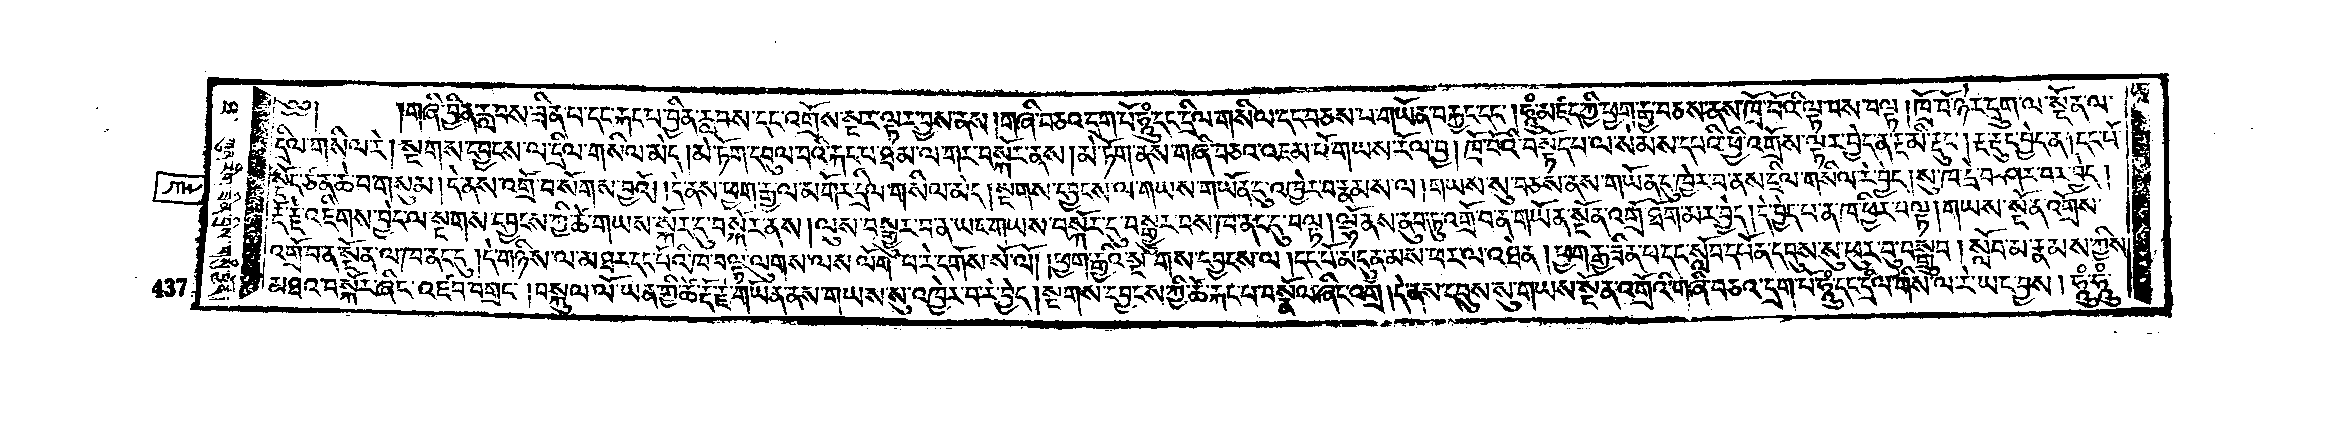༄༅། །གཞི་བྱིན་རླབས་ཟིན་པ་དང་རྐང་པ་བྱིན་རླབས་དང་འགྲོས་སྔར་ལྟར་བྱས་ནས། གཞི་བཅའ་དྲག་པོ་ཧཱུཾ་དང་དྲིལ་གསིལ་དང་བཅས་པ་གཡོན་བརྐྱང་དང་། ཧཱུཾ་མཛད་ཀྱི་ཕྱག་རྒྱ་བཅས་ནས་ཁྲོ་བོའི་ལྟ་བས་བལྟ། ཁྲོ་བོ་ཉེར་དྲུག་ལ་སྔོན་ལ་
དྲིལ་གསིལ་རེ། སྔགས་དབྱངས་ལ་དྲིལ་གསིལ་མེད། མེ་ཏོག་དབུལ་བའི་རྐང་པ་ཐ་མ་ལ་གར་བསྐོར་ནས། མེ་ཏོག་ནས་གཞི་བཅའ་འཇམ་པོ་གཡས་རོལ་བྱ། ཁྲོ་བོའི་བསྟོད་པ་ལ་སེམས་དཔའི་ཕྱི་འགྲོས་ལྟར་བྱེད་ན་རྔ་མི་རྡུང་། རྔ་རྡུང་བྱེད་ན། དང་པོ་
སྡོད་ཙ་ན་ཆེ་བ་གསུམ། དེ་ནས་འགྲོ་བ་སོགས་བྱའོ། །དེ་ནས་ཕྱག་རྒྱལ་མགོར་དྲིལ་གསིལ་མེད། སྔགས་དབྱངས་ལ་གཡས་གཡོན་དུ་འཁྱེར་བ་རྣམས་ལ། གཡས་སུ་བཅས་ནས་གཡོན་དུ་ཁྱེར་བ་ནས་དྲིལ་གསིལ་རེ་བྱེད། སུ་ཁ་དྲེ་བཤར་བར་བྱེད།
རྡོ་རྗེ་འཇིགས་བྱེད་ལ་སྔགས་དབྱངས་ཀྱི་ཚེ་གཡས་སྐོར་དུ་བསྐོར་ནས། ལུས་བསྒྱུར་བ་ན་ཡང་གཡས་བསྐོར་དུ་བསྒྱུར་བས་ཁ་ནང་དུ་བལྟ། ལྷོ་ནས་ནུབ་ཏུ་འགྲོ་བ་ན་གཡོན་སྔོན་འགྲོ་ཐོག་མར་བྱེད། དེ་བྱེད་པ་ན་ཁ་ཕྱིར་བལྟ། གཡས་སྔོན་འགྲོས་
འགྲོ་བ་ན་སྔོན་ལ་ཁ་ནང་དུ། དེ་གཉིས་ལ་མཐར་དང་པོའི་ཁ་བལྟ་ལུགས་ལས་ལོག་པ་རེ་དགོས་སོ་ལོ། །ཕྱག་རྒྱའི་སྔགས་དབྱངས་ལ། དང་པོ་མདུན་མས་ཕར་ལ་འཐེན། ཕྱག་རྒྱ་ཟིན་པ་དང་སློབ་དཔོན་དབུས་སུ་ཕུར་བུ་བསྒྲུབ། སློབ་མ་རྣམས་ཀྱིས་
མཐའ་བསྐོར་ཞིང་འཛབ་བགྲང་། བསྐུལ་ལོ་ཡན་གྱི་ཚེ་རྡོ་རྗེ་གཡོན་ནས་གཡས་སུ་འཁྱེར་བ་རེ་བྱེད། སྔགས་དབྱངས་ཀྱི་ཚེ་རྐང་པ་བསྣོལ་ཞིང་འགྲོ། དེ་ནས་དབུས་སུ་གཡས་སྔོན་འགྲོའི་གཞི་བཅའ་དྲག་པོ་ཧཱུཾ་དང་དྲིལ་གིས་ལ་རེ་ཡང་བྱས། ཧཱུཾ་ཧཱུཾ་